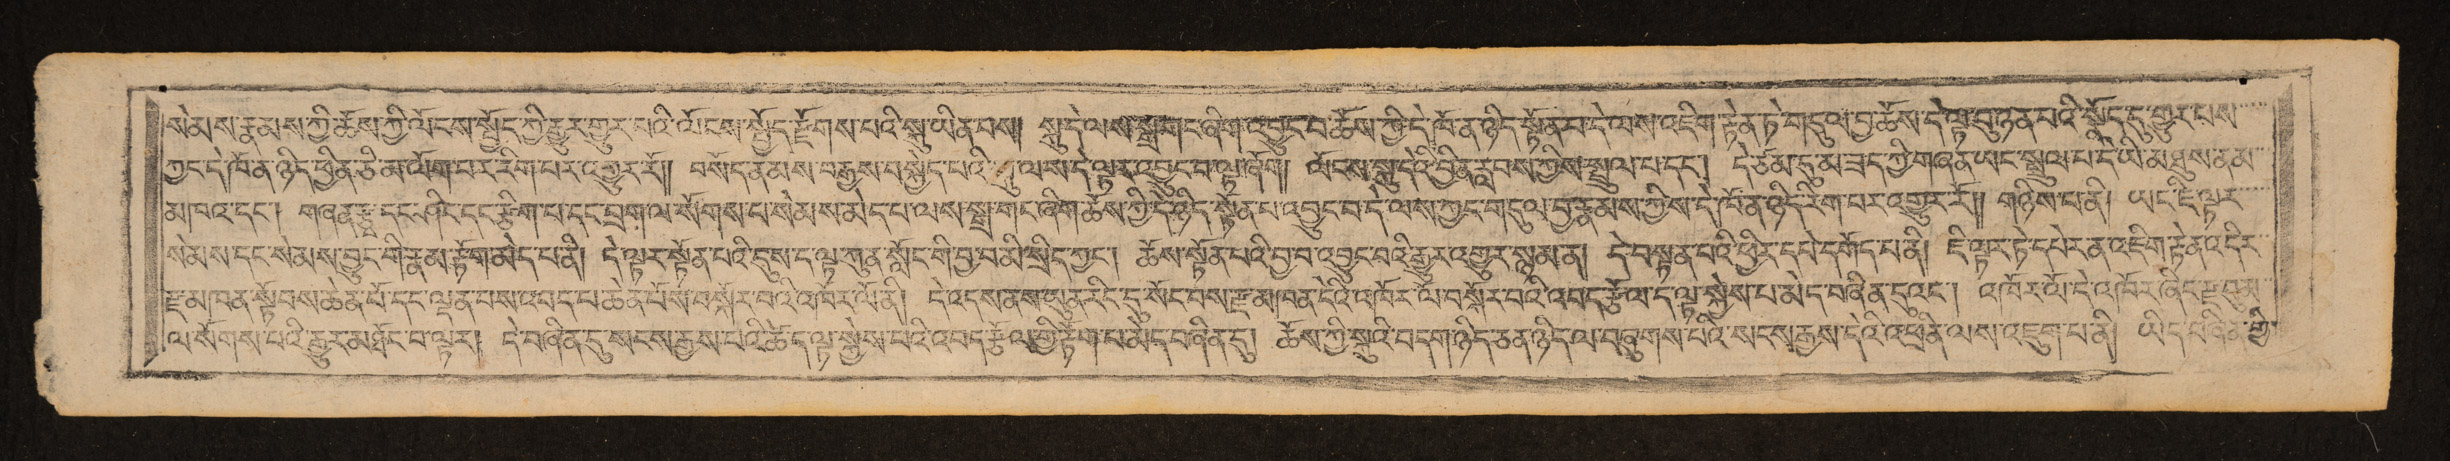སེམས་རྣམས་ཀྱི་ཆོས་ཀྱི་ལོངས་སྤྱོད་ཀྱི་རྒྱུར་གྱུར་པའི་ལོངས་སྤྱོད་རྫོགས་པའི་སྐུ་ཡིན་པས། སྐུ་དེ་ལས་སྒྲ་གང་ཞིག་འབྱུང་བ་ཆོས་ཀྱི་དེ་ཁོ་ན་ཉིད་སྟོན་པ་དེ་ལས་འཇིག་རྟེན་ཏེ་གདུལ་བྱ་ཆོས་དེ་ལྟ་བུ་ཉན་པའི་སྣོད་དུ་གྱུར་པས་
ཀྱང་དེ་ཁོ་ན་ཉིད་ཕྱིན་ཅི་མ་ལོག་པར་རིག་པར་འགྱུར་རོ།། བསོད་ནམས་བརྒྱས་བསྐྱེད་པའི་སྐུ་ལས་དེ་ལྟར་འབྱུང་བ་ལྟ་ཞོག། ལོངས་སྐུ་དེའི་བྱིན་རླབས་ཀྱིས་སྤྲུལ་པ་དང་། དེ་ཙམ་དུ་མ་ཟད་ཀྱི་གཞན་ཡང་སྤྲུལ་པ་དེ་ཡི་མཐུས་ནམ་
མཁའ་དང་། གཞན་རྩྭ་དང་ཤིང་དང་རྩིག་པ་དང་བྲག་ལ་སོགས་པ་སེམས་མེད་པ་ལས་སྒྲ་གང་ཞིག་ཆོས་ཀྱི་དེ་ཉིད་སྟོན་པ་འབྱུང་བ་དེ་ལས་ཀྱང་གདུལ་བྱ་རྣམས་ཀྱིས་དེ་ཁོ་ན་ཉིད་རིག་པར་འགྱུར་རོ།། གཉིས་པ་ནི། ཡང་ཇི་ལྟར་
སེམས་དང་སེམས་བྱུང་གི་རྣམ་རྟོག་མེད་པ་ནི། དེ་ལྟར་སྟོན་པའི་དུས་ད་ལྟ་ཀུན་སློང་གི་བྱ་བ་མི་སྲིད་ཀྱང་། ཆོས་སྟོན་པའི་བྱ་བ་འབྱུང་བའི་རྒྱུར་འགྱུར་སྙམ་ན། དེ་བསྟན་པའི་ཕྱིར་དཔེ་དགོད་པ་ནི། ཇི་ལྟར་ཏེ་དཔེར་ན་འཇིག་རྟེན་འདིར་
རྫ་མཁན་སྟོབས་ཆེན་པོ་དང་ལྡན་པས་འབད་པ་ཆེན་པོས་བསྐོར་བའི་འཁོར་ལོ་ནི། དེ་འདས་ནས་ཡུན་རིང་དུ་སོང་བས་རྫ་མཁན་དེའི་འཁོར་ལོ་བསྐོར་བའི་འབད་རྩོལ་ད་ལྟ་སྐྱེས་པ་མེད་བཞིན་དུའང་། འཁོར་ལོ་དེ་འཁོར་ཞིང་རྫ་བུམ་
ལ་སོགས་པའི་རྒྱུར་མཐོང་བ་ལྟར། དེ་བཞིན་དུ་སངས་རྒྱས་པའི་ཚེ་ད་ལྟ་སྐྱེས་པའི་འབད་རྩོལ་གྱི་རྟོག་པ་མེད་བཞིན་དུ། ཆོས་ཀྱི་སྐུའི་བདག་ཉིད་ཅན་ཉིད་ལ་བཞུགས་པའི་སངས་རྒྱས་དེའི་འཕྲིན་ལས་འཇུག་པ་ནི། ཡིད་བཞིན་གྱི་